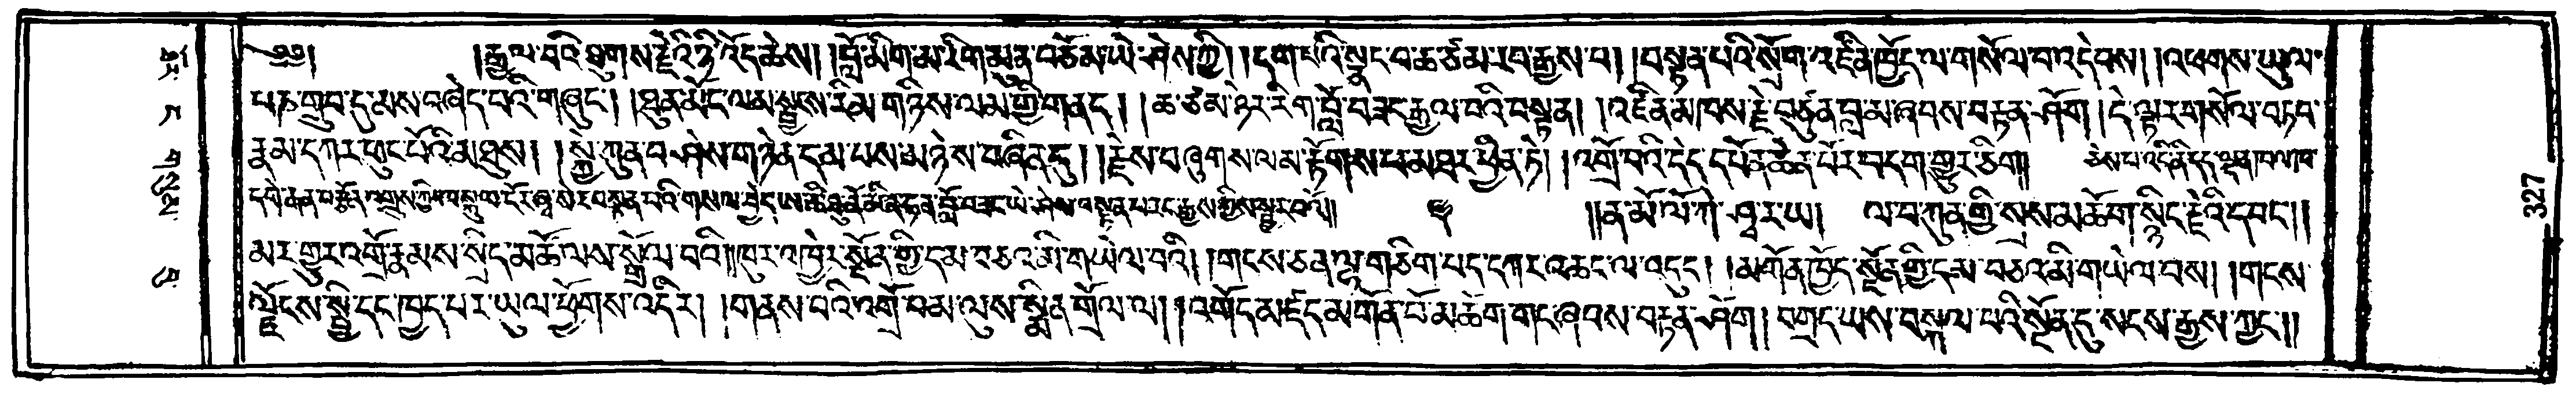༄༅། །རྒྱལ་བའི་ཐུགས་རྗེའི་ཉི་འོད་ཆེས། །བློ་མིག་མ་རིག་མུན་བཅོམ་ཡེ་ཤེས་ཀྱི། །དག་པའི་སྣང་བ་ཆ་ཙམ་རབ་རྒྱས་པ། །བསྟན་པའི་སྲོག་འཛིན་ཁྱོད་ལ་གསོལ་བ་འདེབས། །འཕགས་ཡུལ་
པཎ་གྲུབ་དུ་མས་བཞེད་པའི་གཞུང་། །ཐུན་མོང་ལམ་སྦྱངས་རིམ་གཉིས་ལམ་གྱི་གནད། །ཆ་ཙམ་ཉེར་རིག་བློ་བཟང་རྒྱལ་བའི་བསྟན། །འཛིན་མཁས་རྗེ་བཙུན་བླ་མ་ཞབས་བརྟན་ཤོག །དེ་ལྟར་གསོལ་བཏབ་
རྣམ་དཀར་ཕུང་པོའི་མཐུས། །སྐྱེ་ཀུན་བཤེས་གཉེན་དམ་པས་མཉེས་བཞིན་དུ། །རྗེས་བཞུགས་ལམ་རྟོགས་པ་མཐར་ཕྱིན་ཏེ། །འགྲོ་བའི་དེད་དཔོན་ཆེན་པོར་བདག་གྱུར་ཅིག །ཅེས་པ་འདི་ནི་དད་ལྡན་ཁལ་ཁ་
དགེ་རྒན་བརྩོན་འགྲུས་ཀྱིས་བསྐུལ་ངོར་ཞྭ་སེར་བསྟན་པའི་གསལ་བྱེད་ཨ་ཆི་ཐུ་ནོ་མིན་ཧན་བློ་བཟང་ཡེ་ཤེས་བསྟན་པ་རང་རྒྱས་ཀྱིས་སྦྱར་བའོ།། ༈ །།ན་མོ་ལོ་ཀེ་ཤྭ་ར་ཡ། ལ་བ་ཀུན་གྱི་སྲས་མཆོག་སྙིང་རྗེའི་དབང།།
མར་གྱུར་འགྲོ་རྣམས་སྲིད་མཚོ་ལས་སྒྲོལ་བའི། །ཁུར་འཁྱེར་སྔོན་གྱི་དམ་བཅའ་མི་གཡེལ་བའི། །གངས་ཅན་ལྷ་གཅིག་པད་དཀར་འཆང་ལ་འདུད། །མགོན་ཁྱོད་སྔོན་གྱི་དམ་བཅའ་མི་གཡེལ་བས། །གངས་
ལྗོངས་སྦྱི་དང་ཁྱད་པར་ཡུལ་ཕྱོགས་འདིར། །གནས་པའི་འགྲོ་བ་མ་ལུས་སྨིན་གྲོལ་ལ། །འགོད་མཛད་མགོན་པོ་མཆོག་གང་ཞབས་བརྟན་ཤོག །བགྲད་ཡས་བསྐལ་པའི་སྔོན་དུ་སངས་རྒྱས་ཀྱང་། །